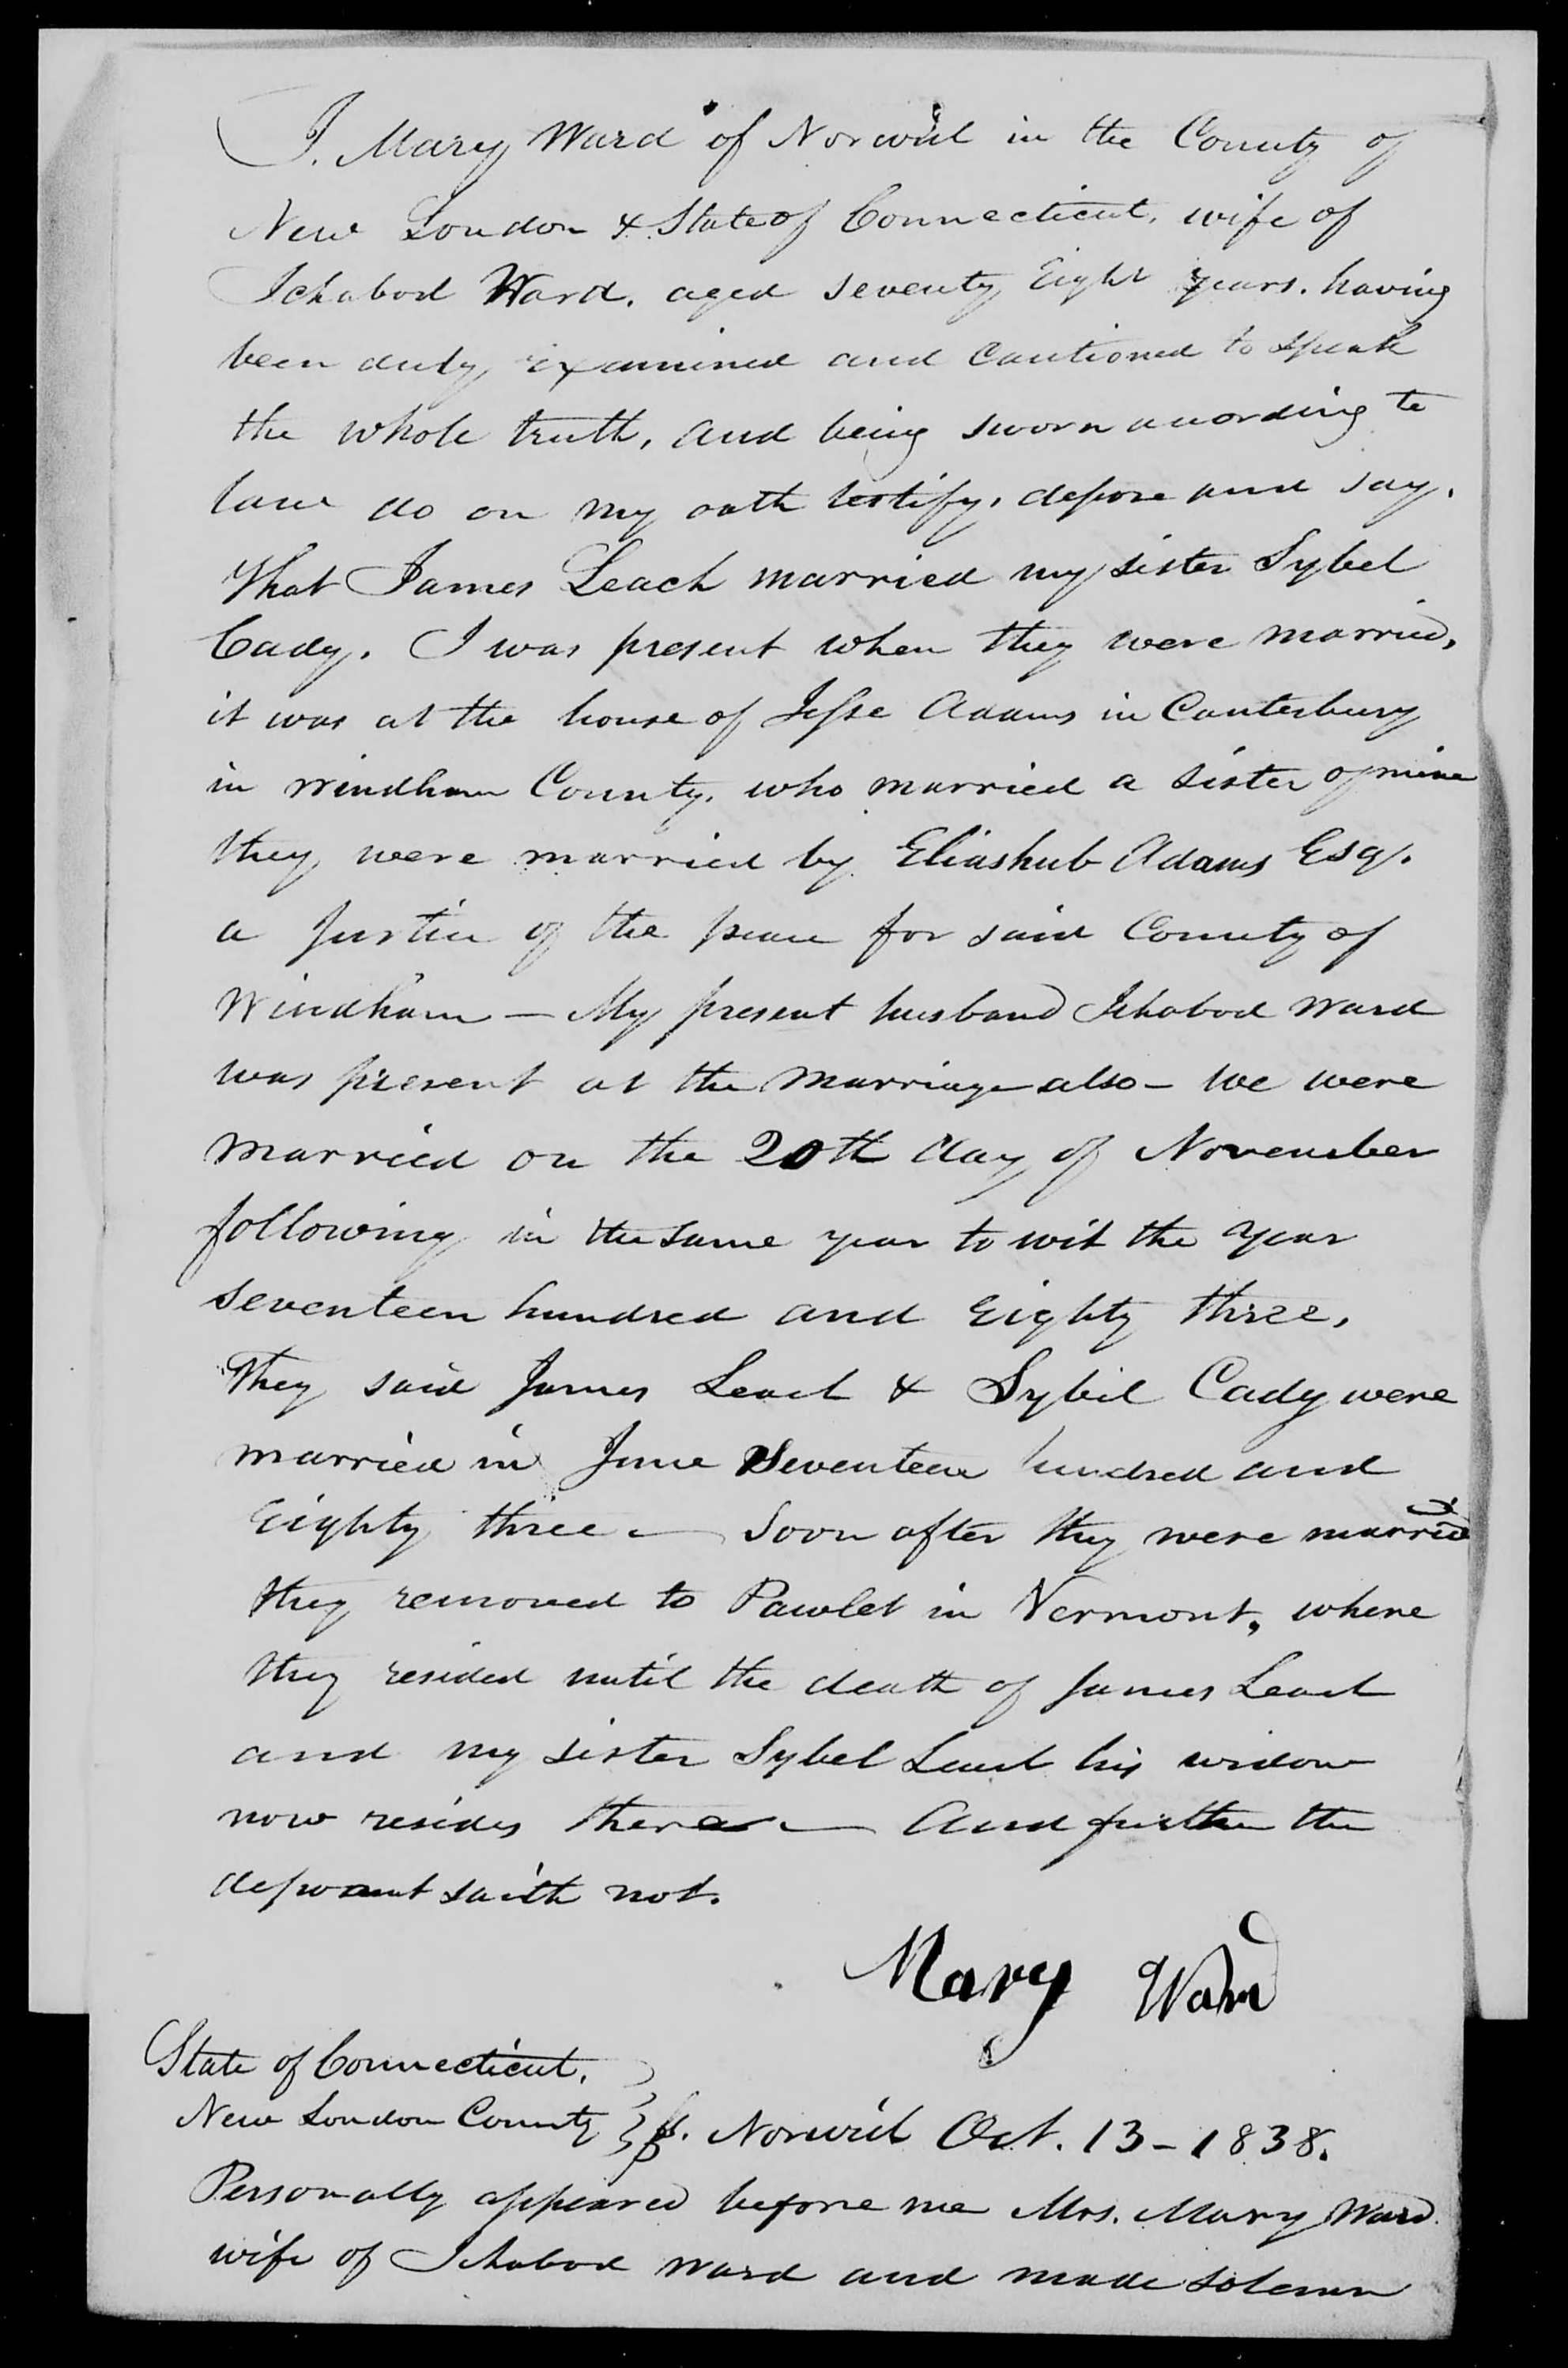I Mary Ward of Norwich in the County of New London & State of Connecticut, wife of Ichabod Ward, aged seventy eight years, having been duly examined and cautioned to speak the whole truth, and being sworn according to law do on my oath certify depose and say, that James Leach married my sister Sybel Cady. I was present when they were married, it was at the house of Jesse Adams in Canterbury in Windham County, who married a sister of mine they were married by Eliashub Adams Esq. a Justice of the Peace for said County of Windham - My present husband Ichabod Ward was present at the marriage also - we were married on the 20th day of November following in the same year to wit the year seventeen hundred and eighty three, they said James Leach & Sybel Cady were married in June Seventeen hundred and Eighty three - Soon after they were married they removed to Pawlet in Vermont, where they resided until the death of James Leach and my sister Sybel Leach his widow now resides there - And further the deponent saith not.
Mary Ward
State of Connecticut
New London County Ss.
Norwich Oct. 13 - 1838.
Personally appeared before me Mrs. Mary Ward wife of Ichabod Ward and made solemn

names: Jaems Leach; Jesse Adams; James Leach; Ichabod Ward; Mary Ward; Eliashub Adams; Sybel Cady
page: 15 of 27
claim: widow's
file: W. 24,500, for James Leach, Connecticut